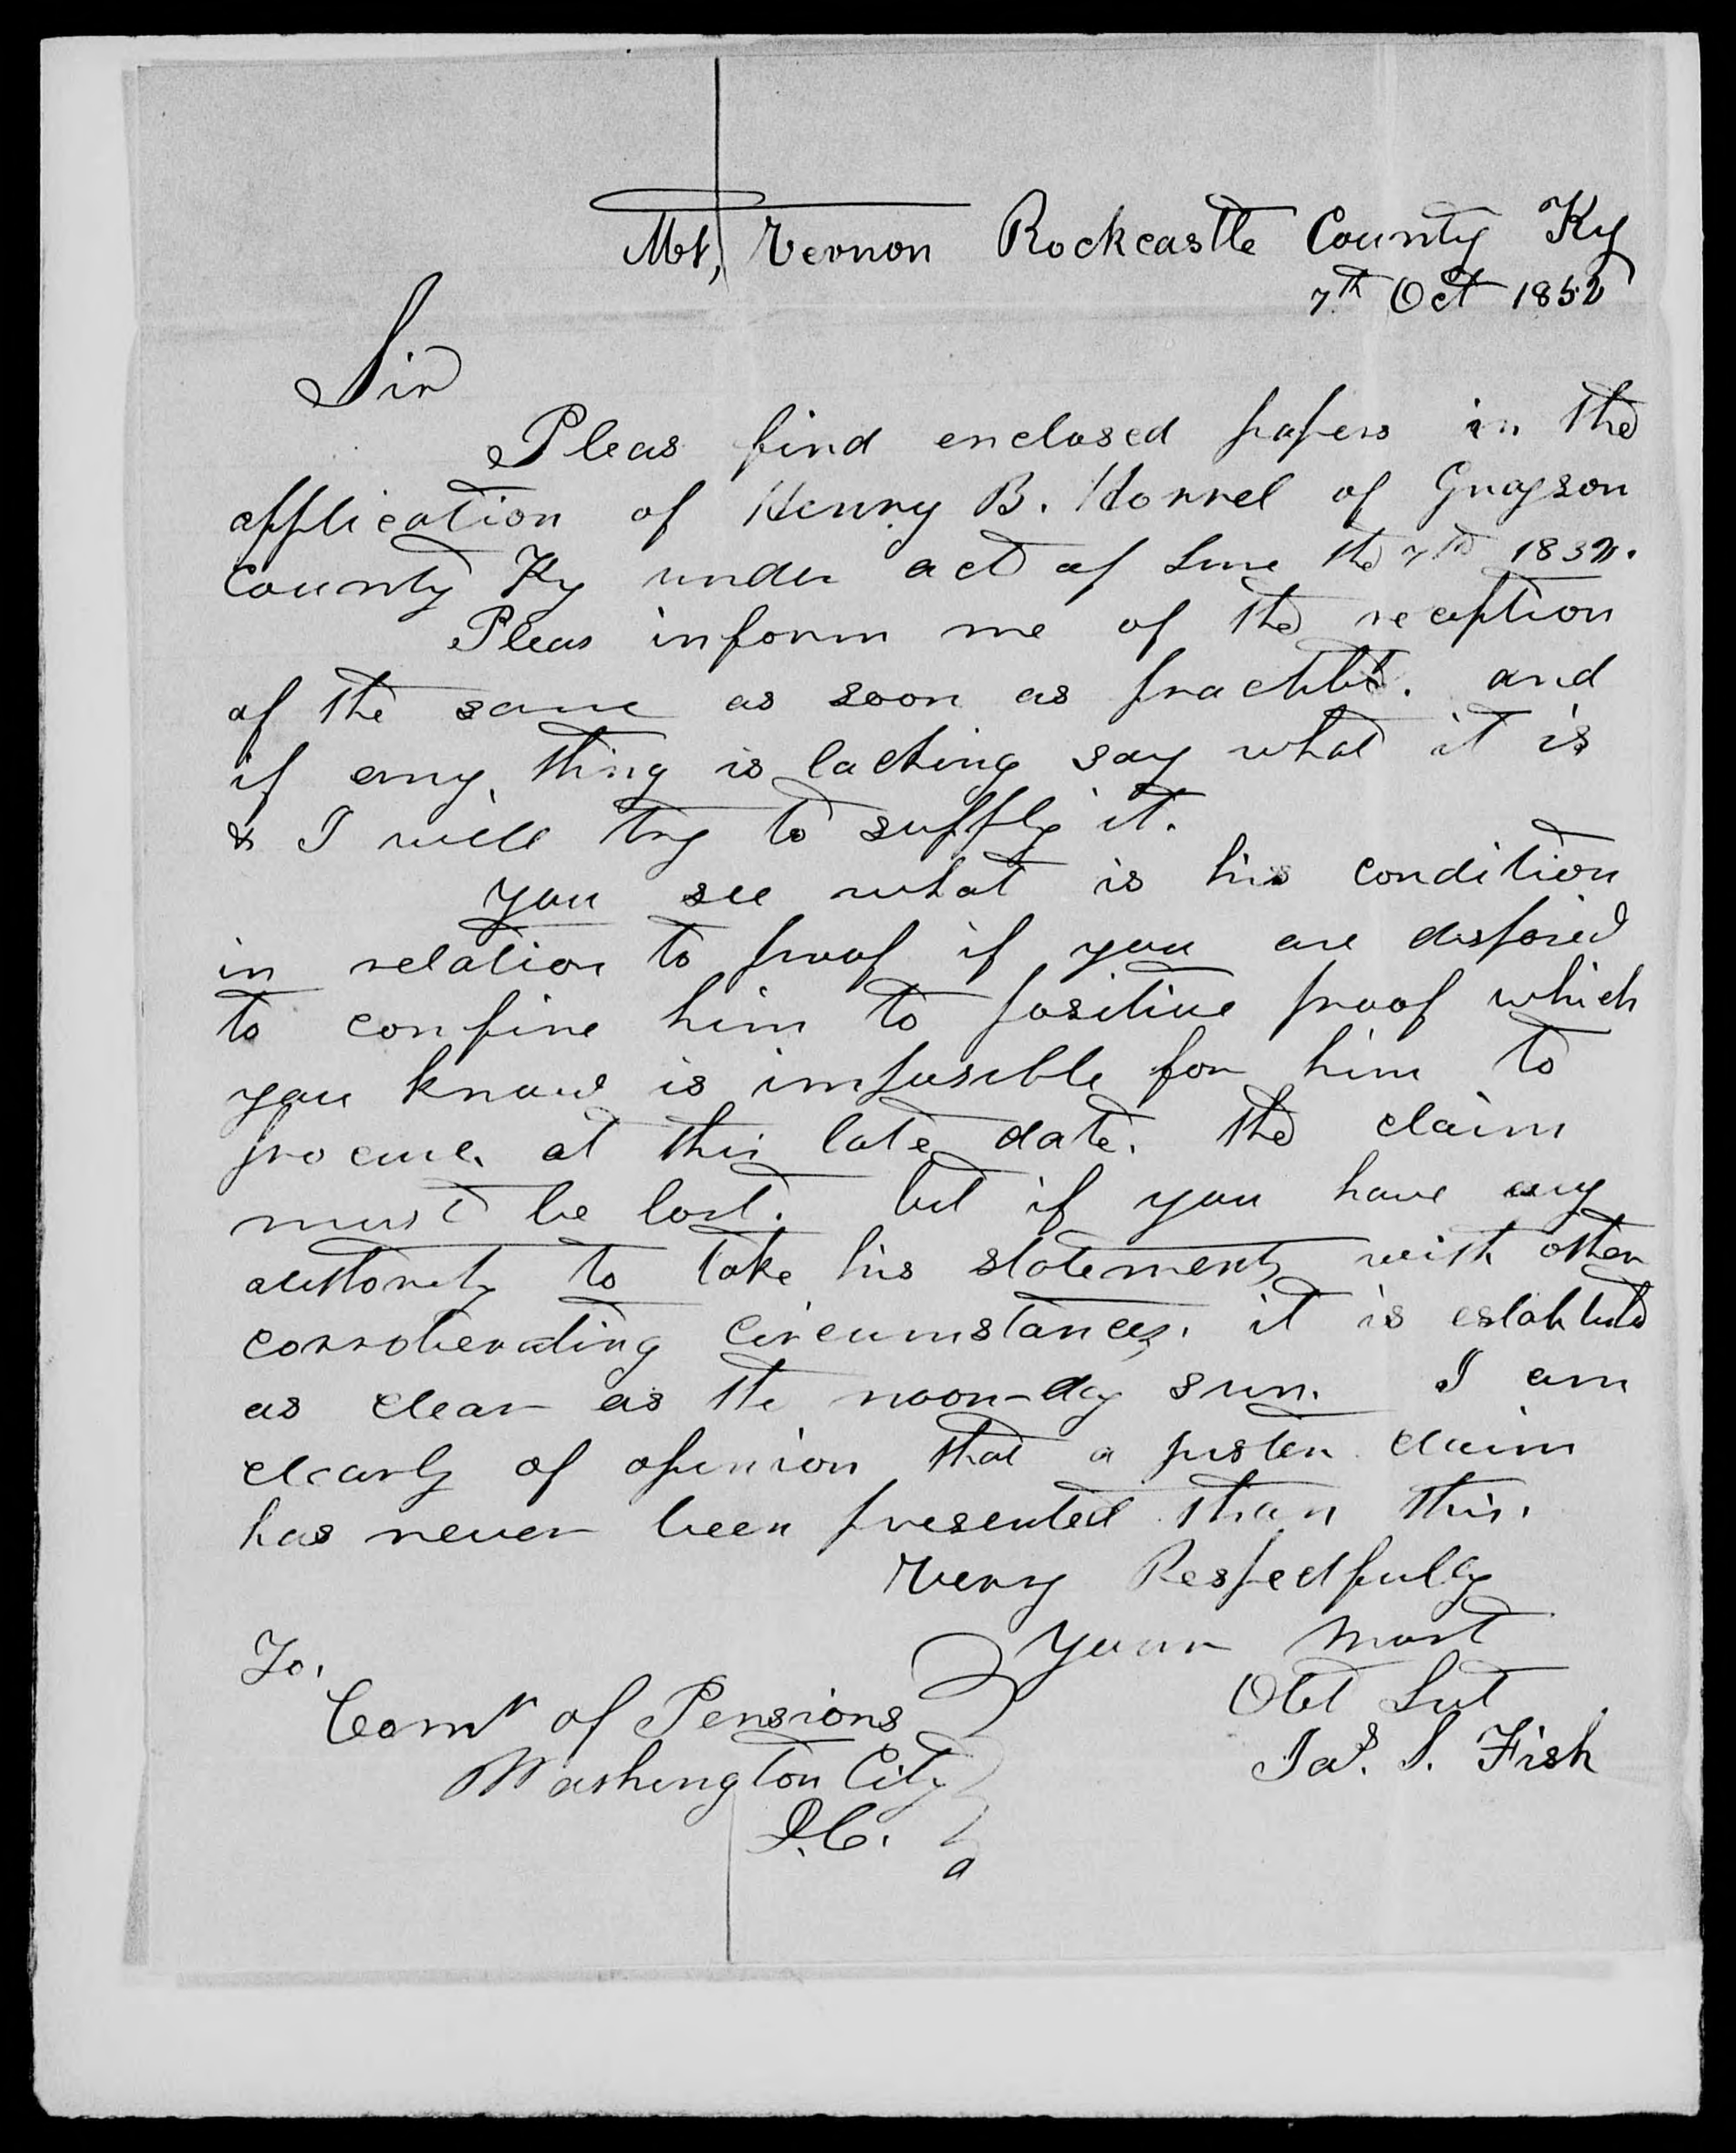Mt. Vernon, Rockcastle County KY

7th Oct 1852

Sir

Please find enclosed papers in the application of Henry B. Horrell of Grayson County, KY under act of June the 7th 1832.

Please inform me of the reception of the same as soon as practible and if anything is lacking say what it is & I will try to supply it.

You see what is his condition in relation to proof if you are disposed to confine him to positive proof which you know is impossible for him to procure at this late date. The claim must be lost but if you have any authority to take his statements with other corroborating circumstances it is established as clear as the noonday sun. I am clearly of opinion that a just  claim has never been presented than this.

Very respectfully
Your most
Obt Servant

Jas S Fish

To Comm of Pensions
Washington City
D>C>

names: Henry B Horrel, Jas S Fish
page: 15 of 15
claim: rejected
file: R. 5234, Henry B Horrell, Md.